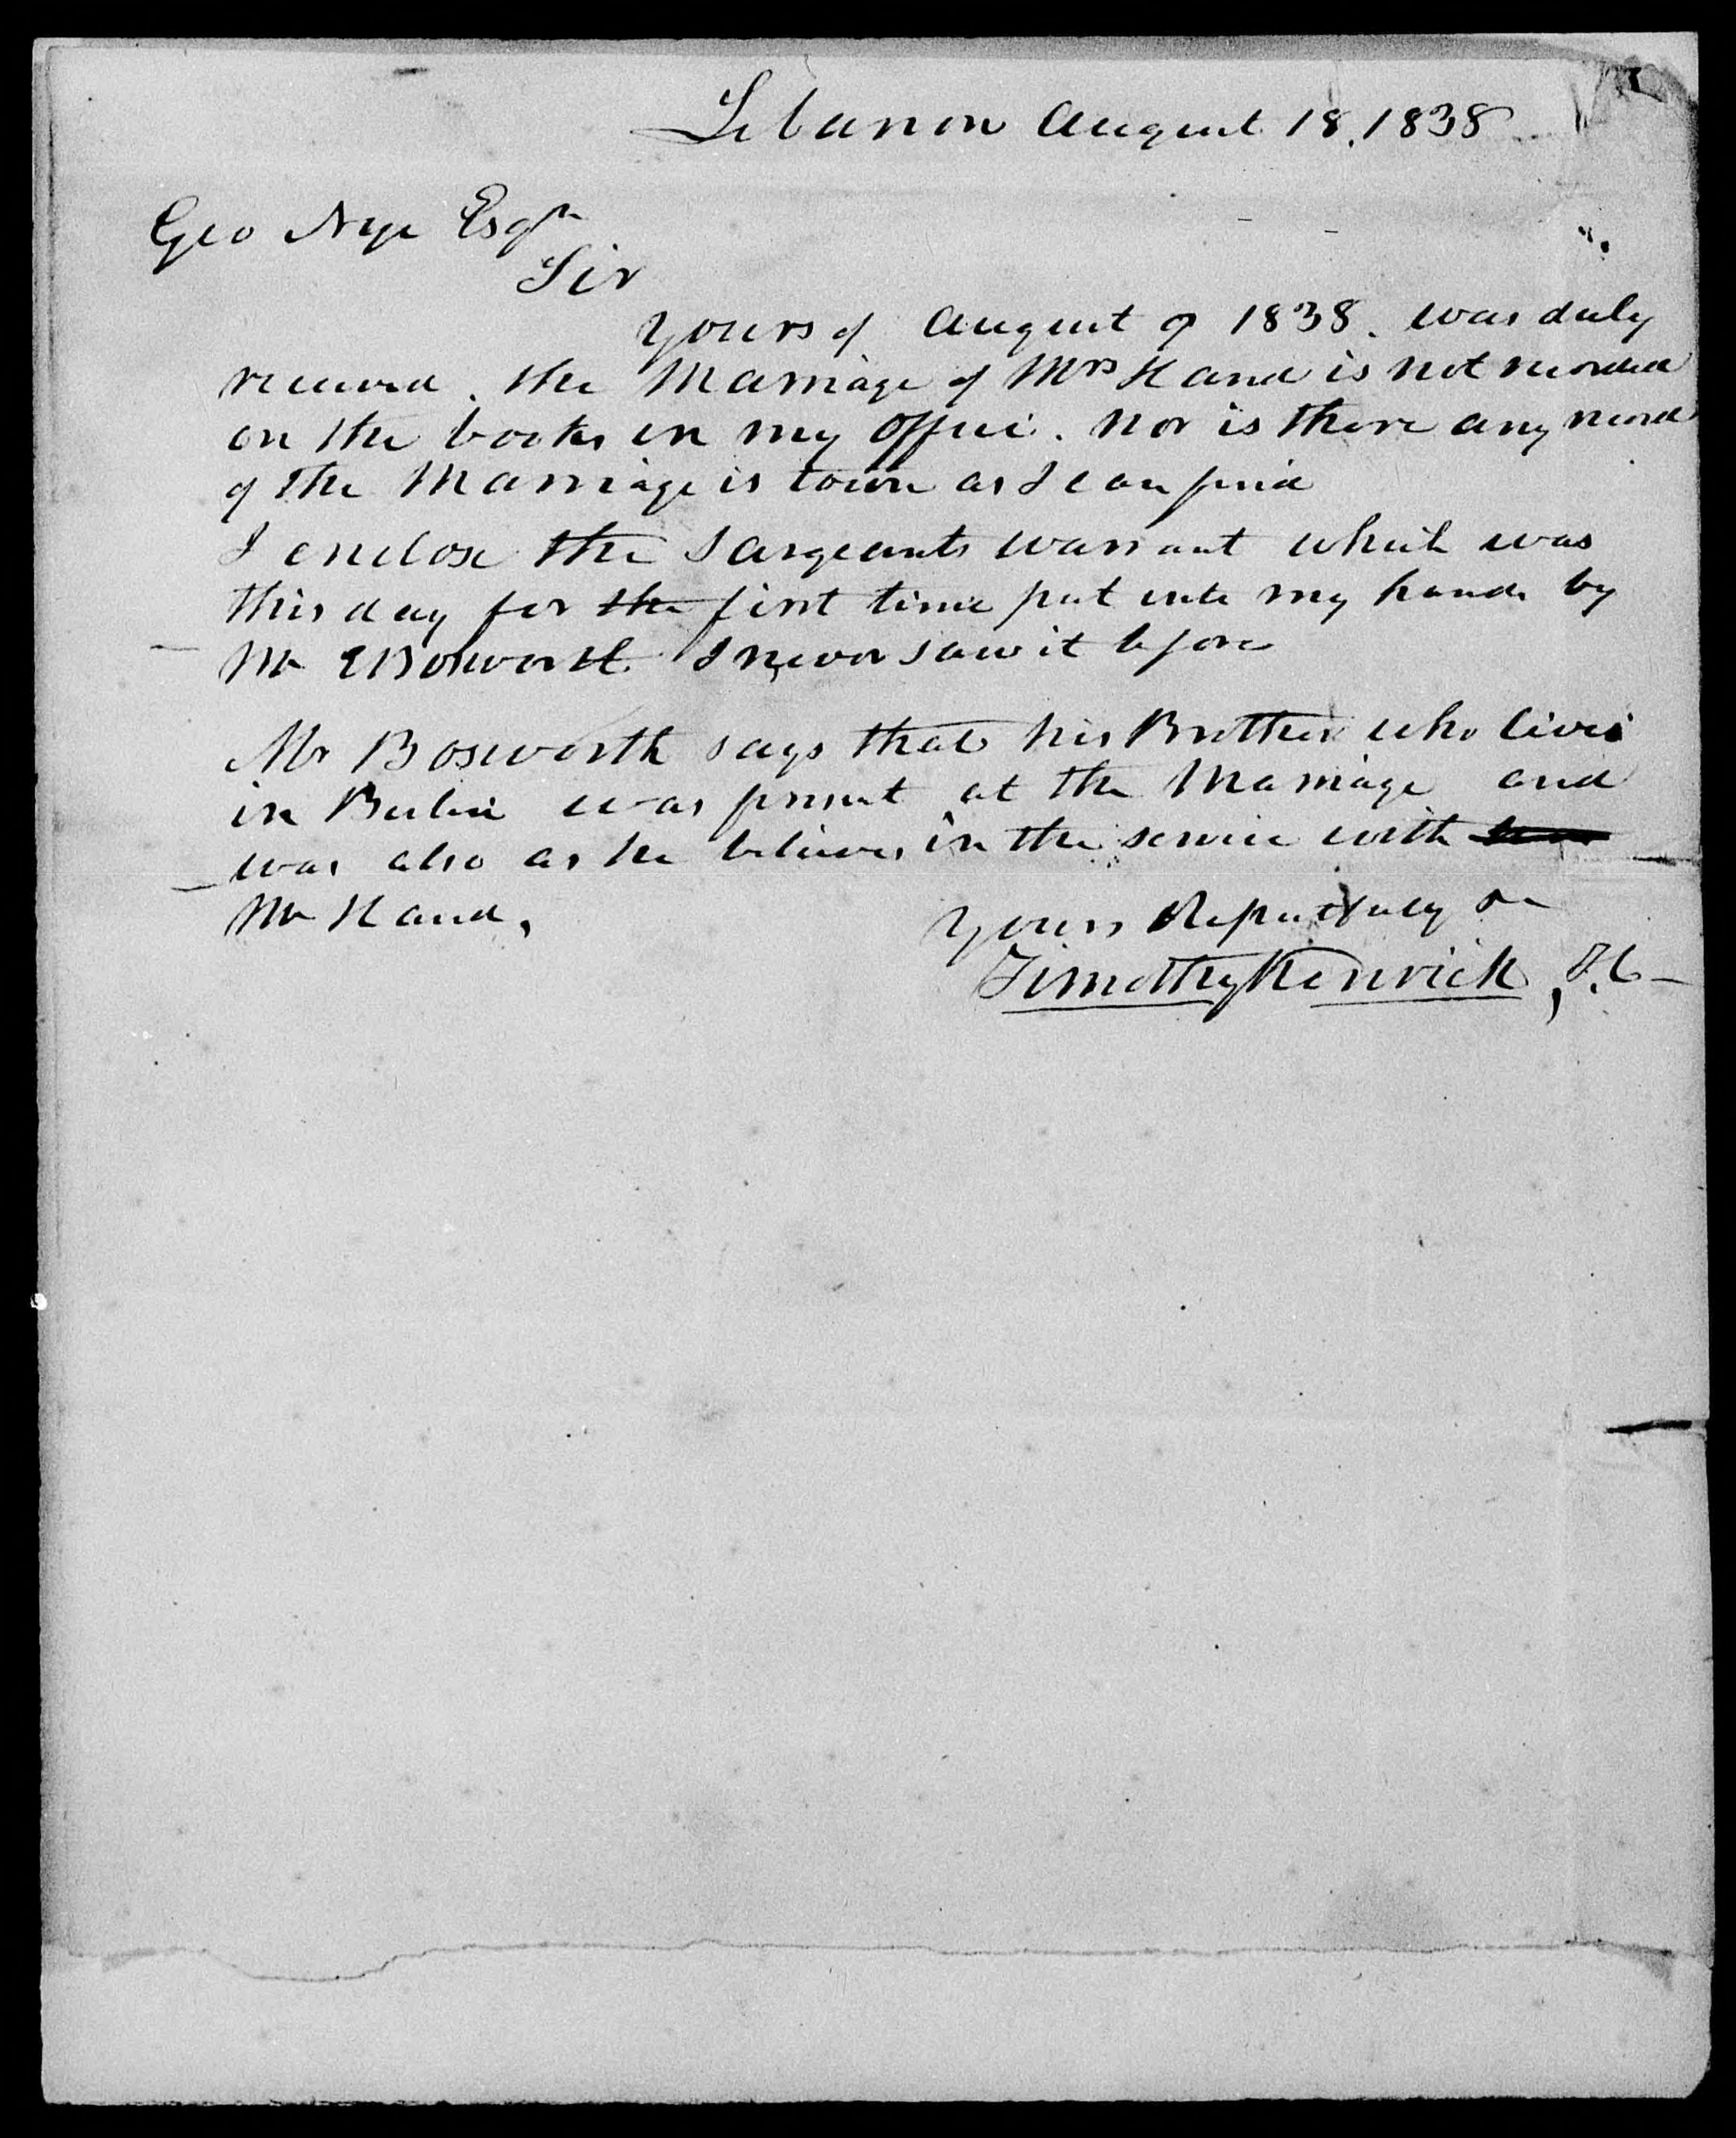Geo Nye Esqr
Sir
Lebanon August 18, 1838
Yours of August of 1838, was duly
received the Marriage of Mr and is not recorded
on the books in my office, nor is there any record
of the Marriage is town as I can find
I enclose the Sargeants warrant which was
this day for the first time put into my hand by
Bosworth I never saw it before
Mr Bosworth says that his brother who live in
Bulin was present at the marriage and
was also as he believes in the service with
Mr. Hand
your respectfully
Timothy Kenrick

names: Timothy Kenrick, Geo Nye, Hand, E Bosworth, Hand, Bosworth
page: 38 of 42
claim: widow's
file: W. 19,722, Ira Hand, N.H. Vt.